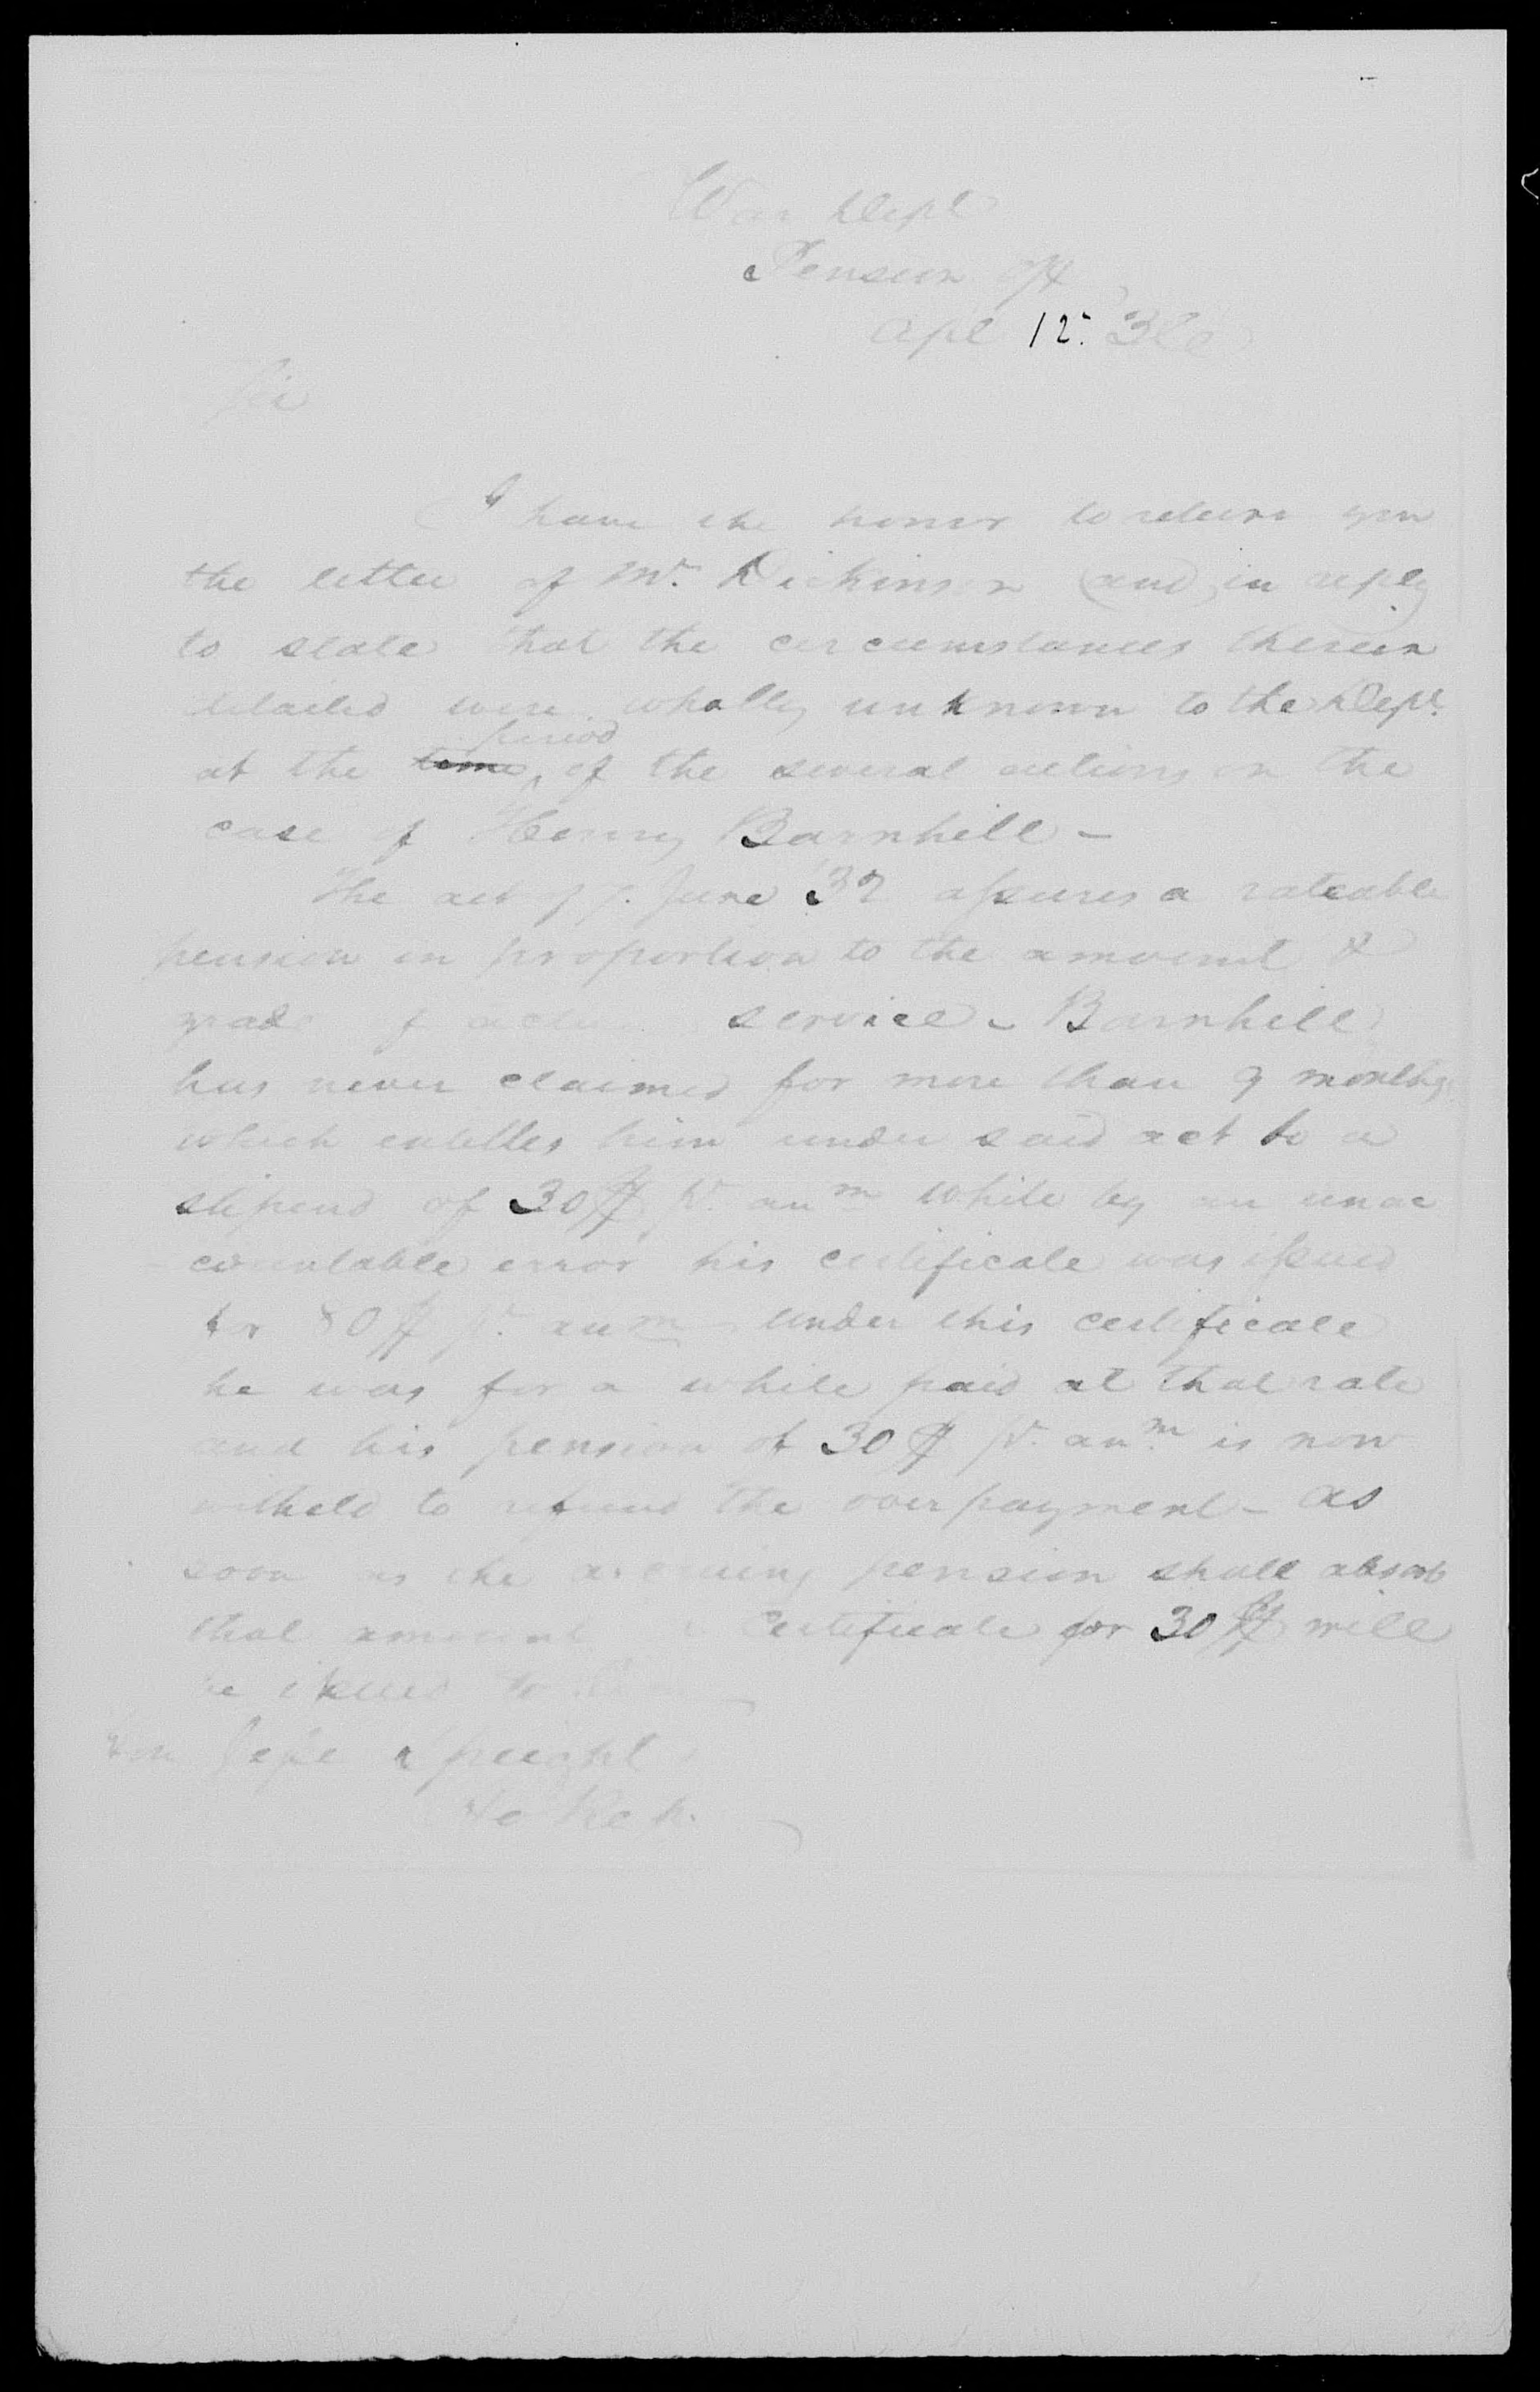War Dept 
Pension Off
Apl 12. 36

Sir
I have the honor to recieve you the letter of Mr. Dickinson decd in reply to state that the circumstances therein detailed were wholly unknown to the Dept. at the [crossed out: time] ^period of the several actions on the case of Henry Barnhill -

The act of 7 June '32 assures a rateable [sic] pension in proportion to the amount & grade of acting service - Barnhill has never claimed for more than 9 months which entitles him under said act to a stipend of 30$ pr. anm. [per annum] while by an unaccountable error his certificate was issued for 80$ pr. anm. under this certificate he was for a while paid at that rate and his pension of 30$ pr. anm. is now witheld [sic] to refund the overpayment - as soon as the accruing pension shall absorb that amount a certificate for 30$ will be issued to him
S/Hon Jesse Speight
Ho Rep.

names: Barnhill, Henry Barnhill, Jesse Speight, Dickinson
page: 19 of 42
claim: survivor's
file: S. 6579, Henry Barnhill, N. C.